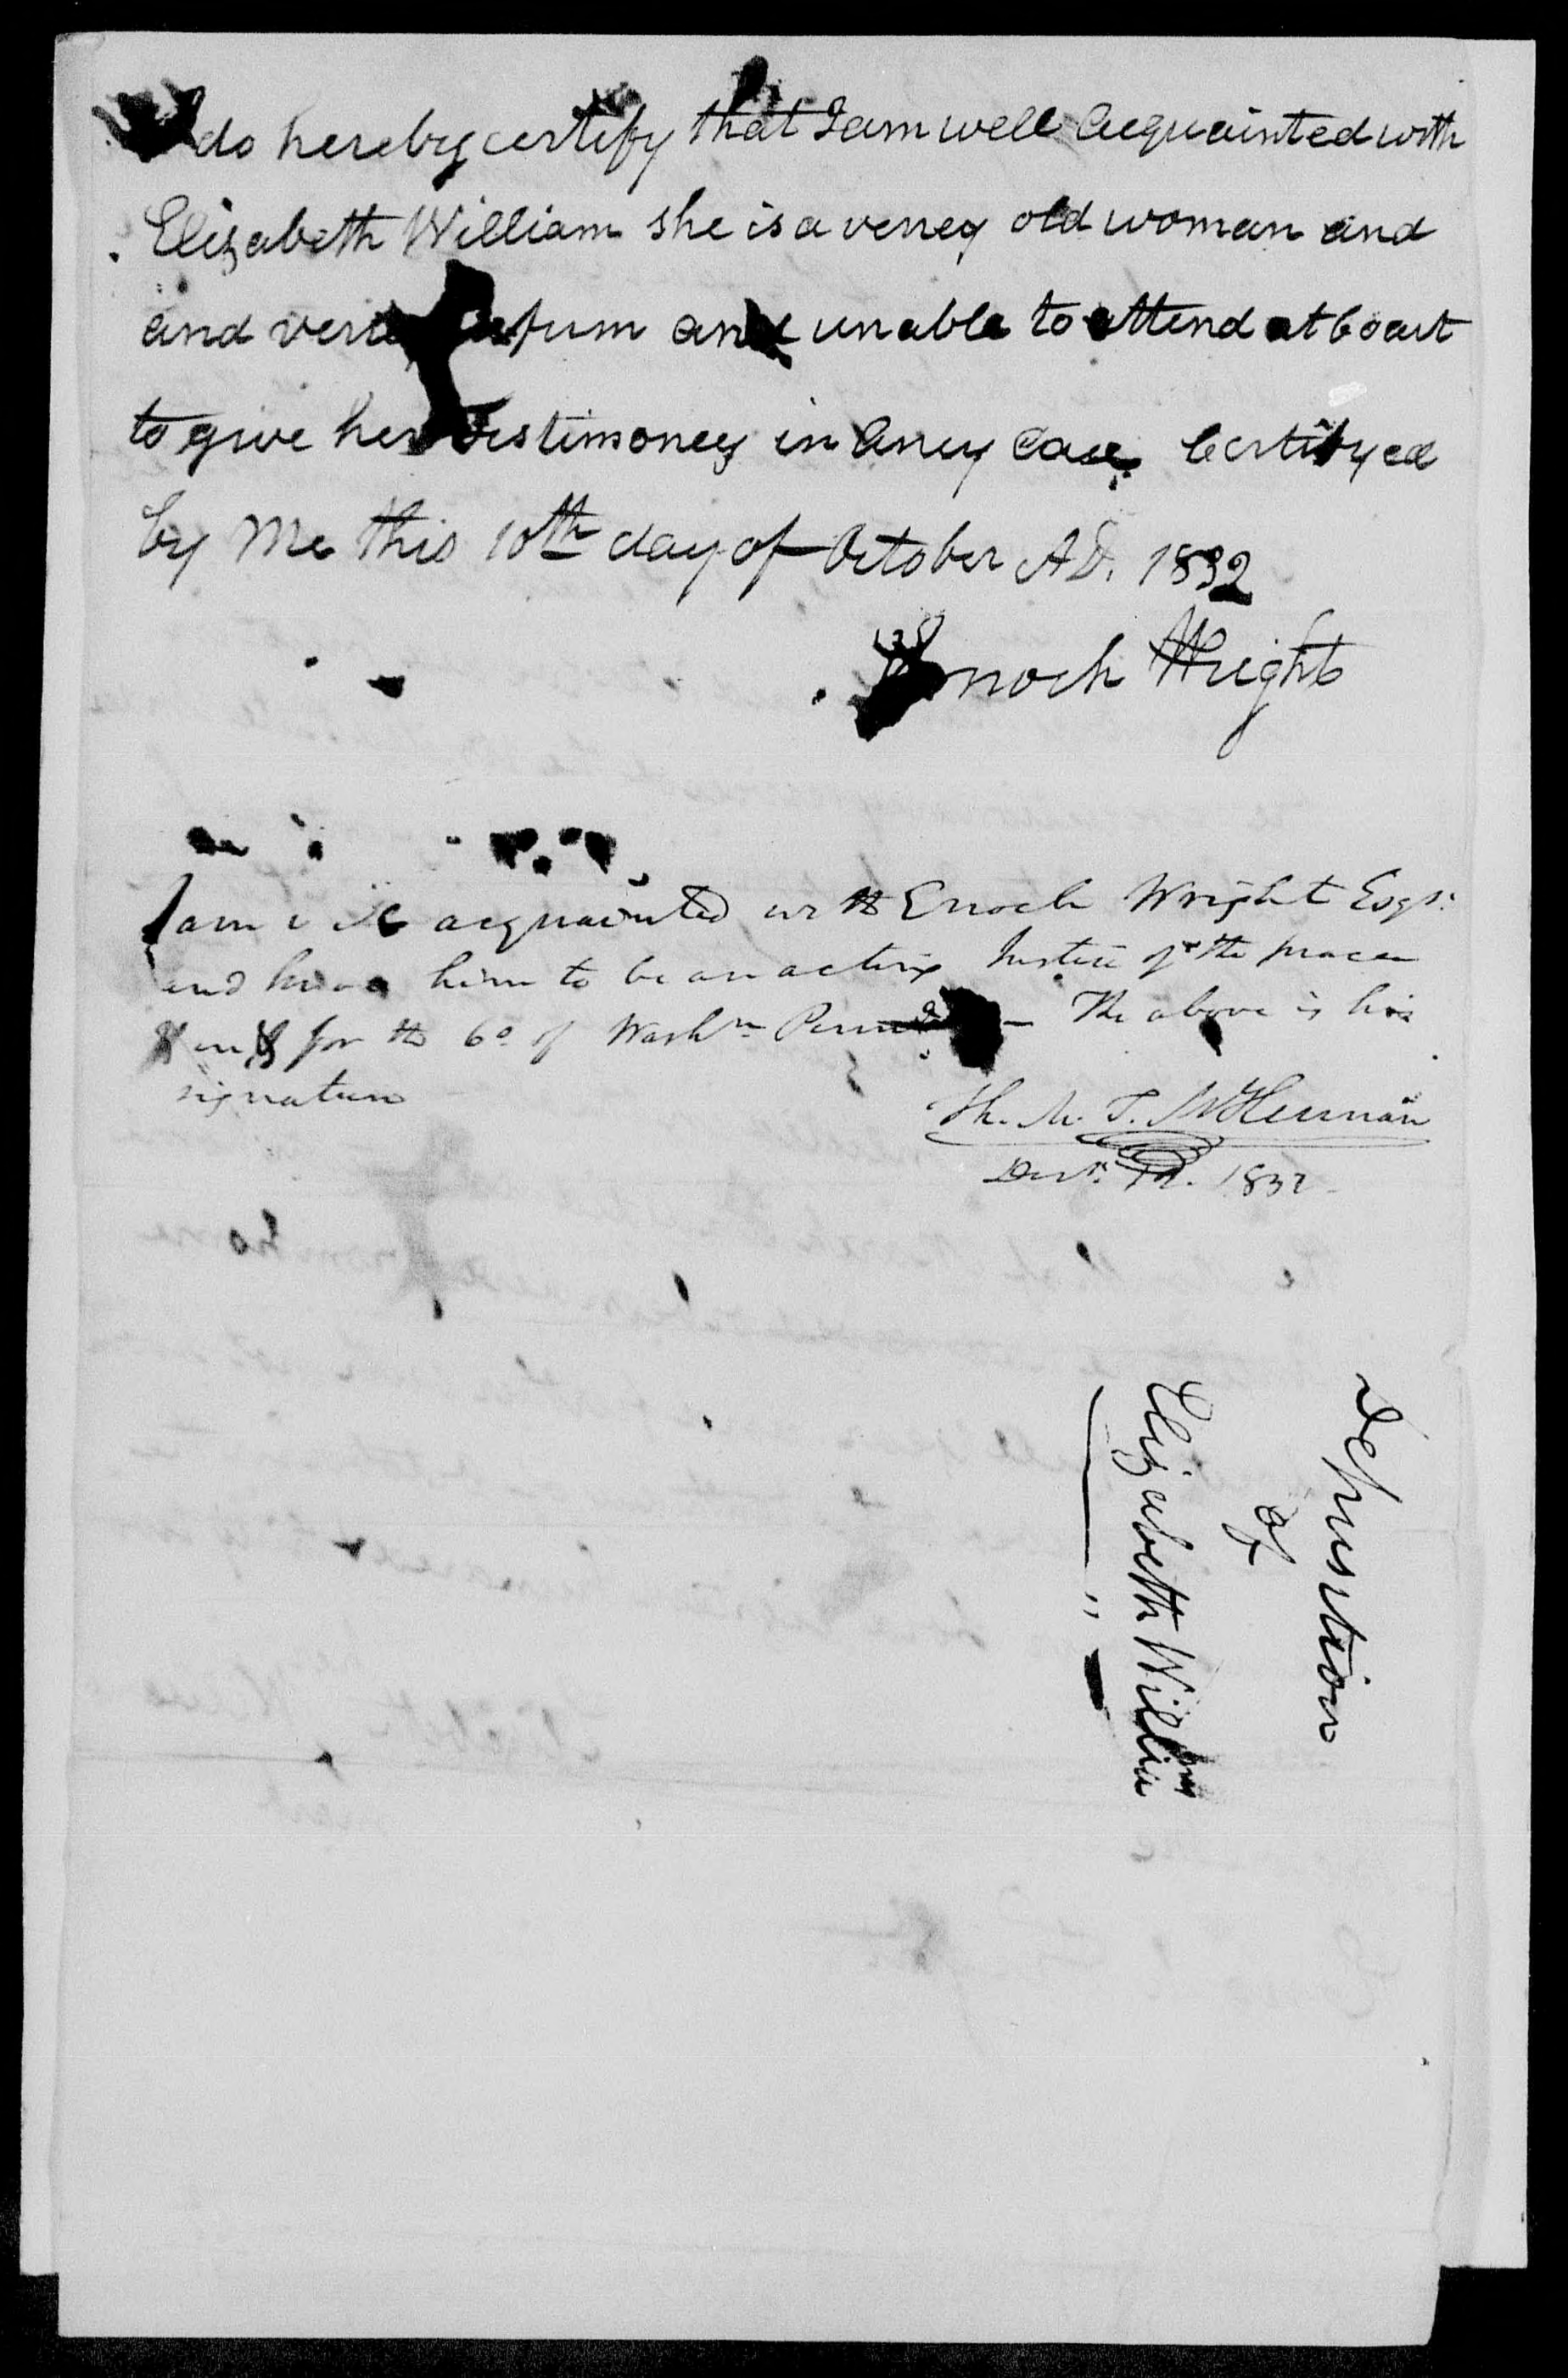I do hereby certify that I am well acquainted with Elizabeth William she is a verrey old woman and and verrey [ink blot illegible]sum and unable to attend at court to give her testimoney in any case certifyed by Me this 10th day of October AD. 1832
Enoch Wright

I am well acquainted with Enoch Wright Esqr: and hear him to be an acting Justice of the peace [illegible] for the 60 of Washn. Pension- The above is his signature
Th. M. T. McKennan
Dist. [illegible] 1832.

 Deposition of Elizabeth William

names: Elizabeth William, Enoch Wright, Enoch Wright, Th M T Mc Kennan, Elizabeth Williams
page: 16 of 23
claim: survivor's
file: S. 3167, Peter Coe, New Jersey Penn.